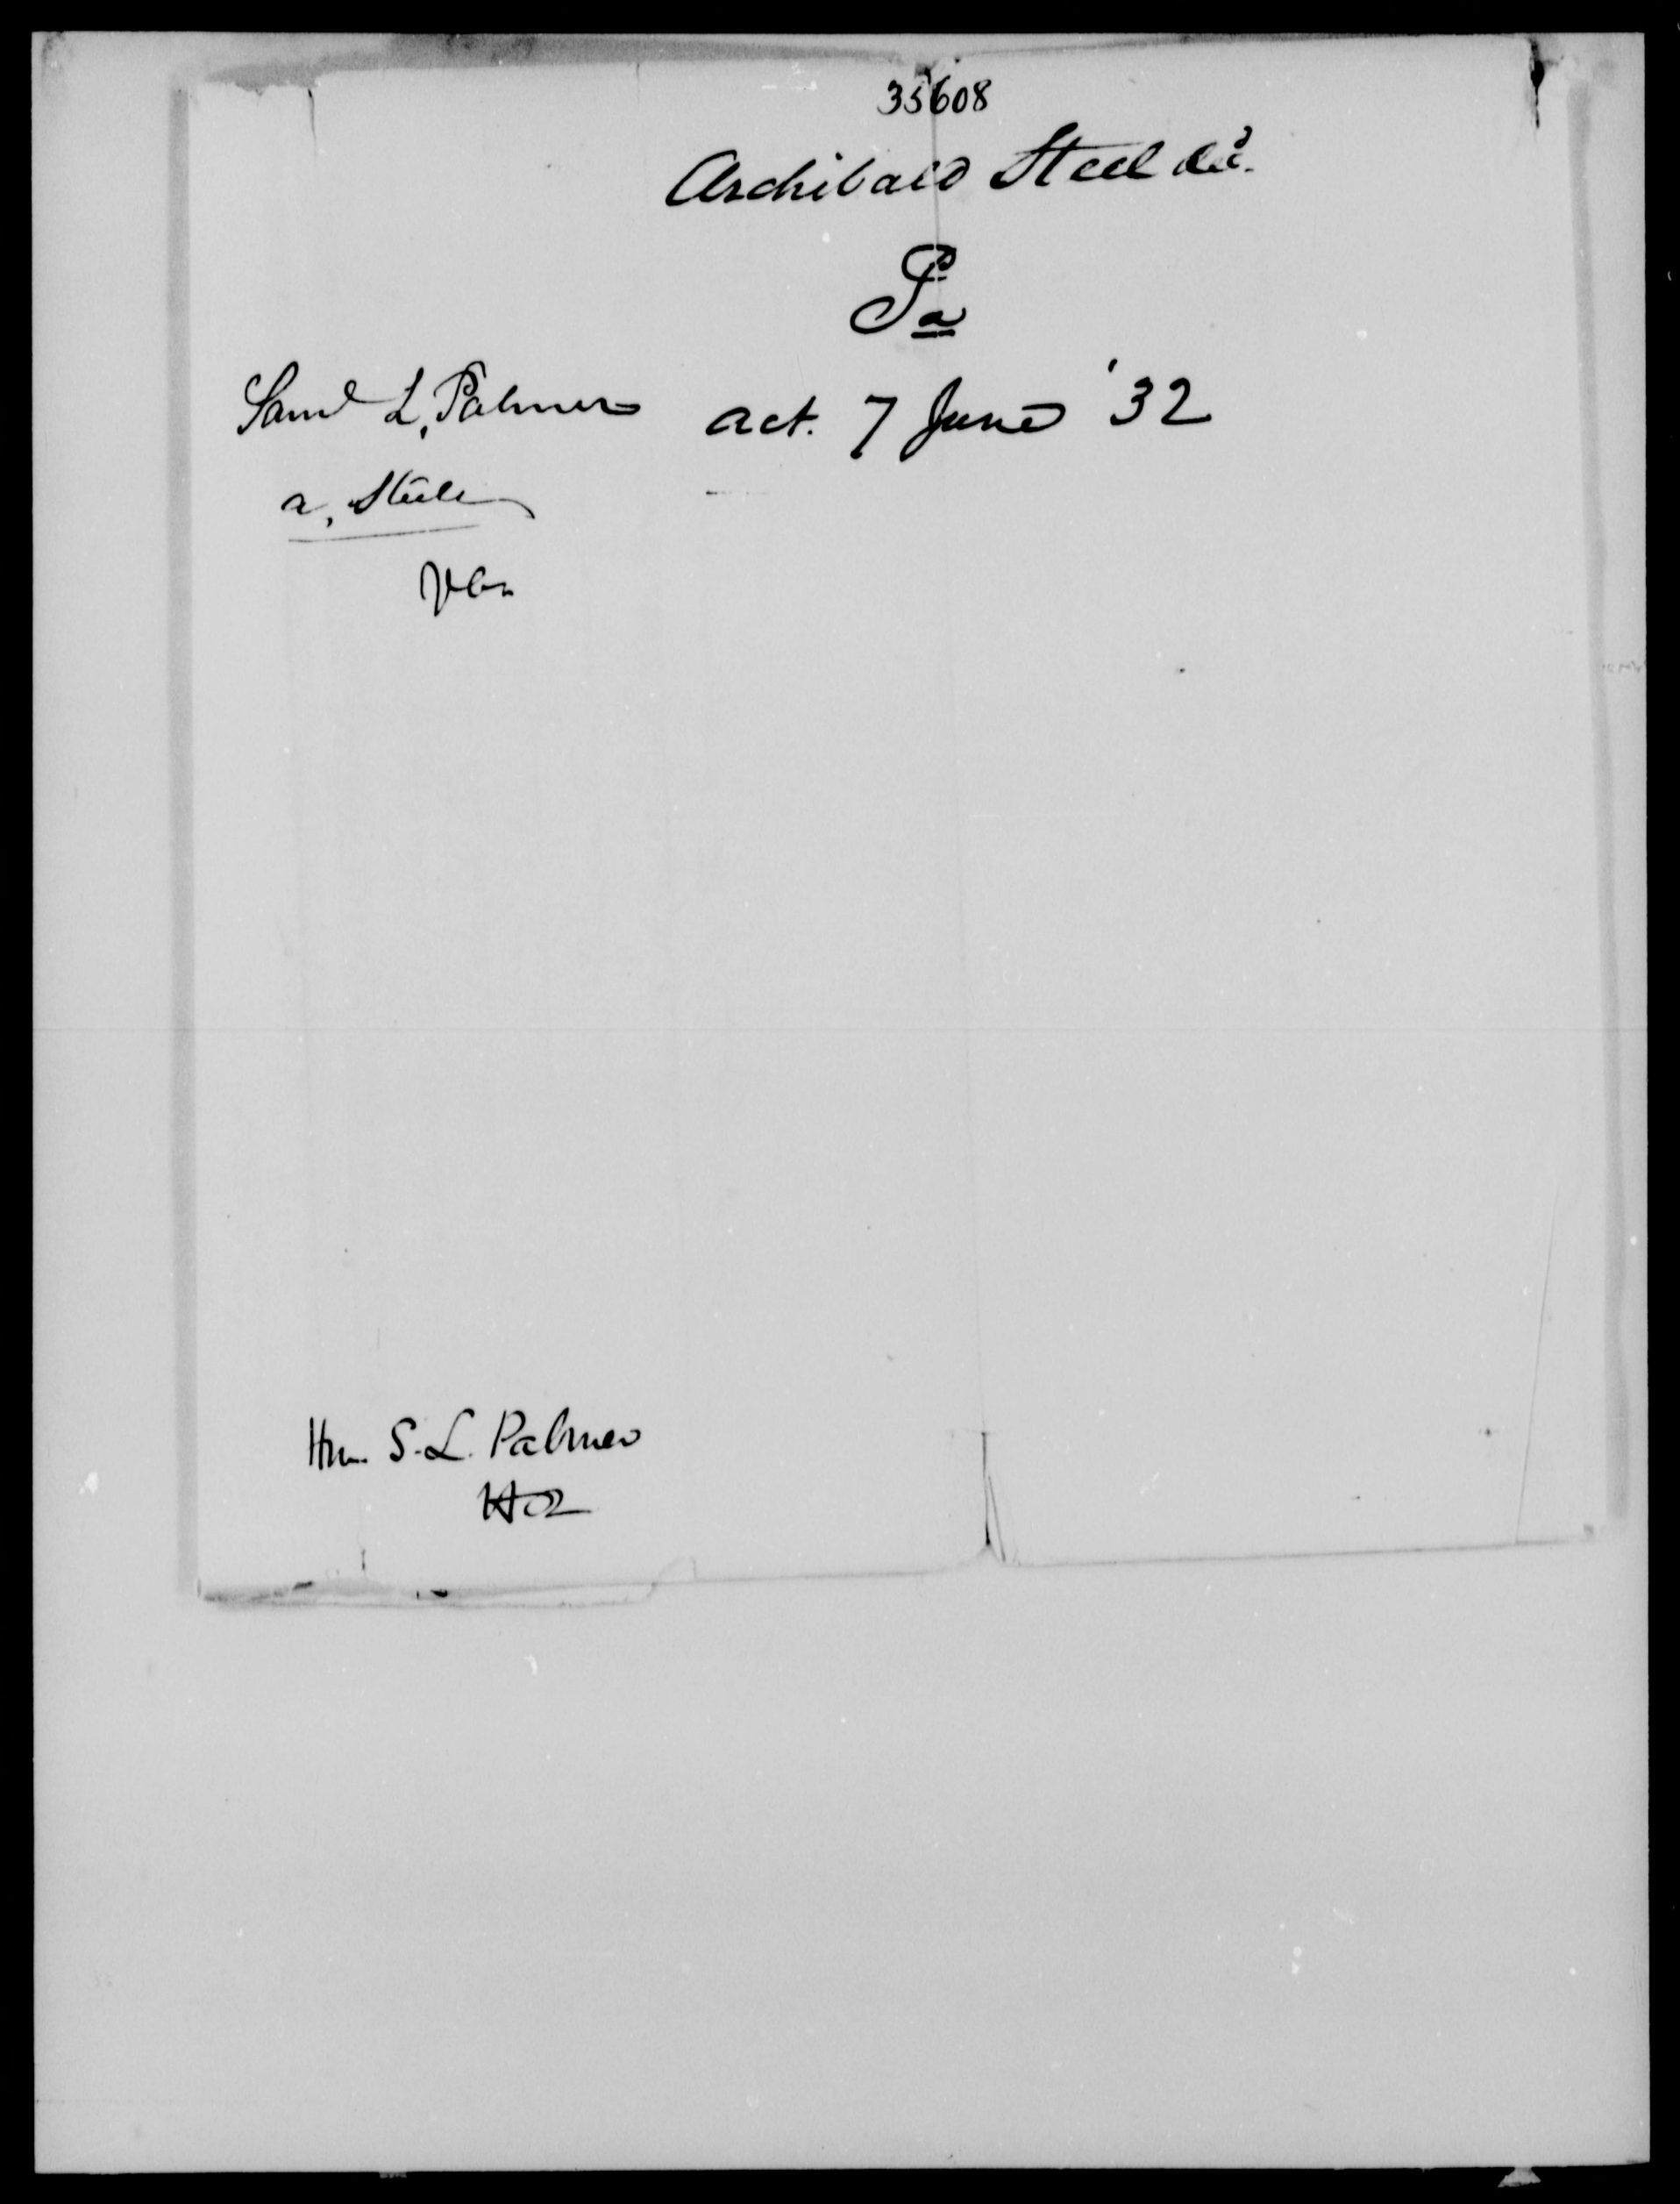35608
Archibald Steel  dec
PA

Samuel L Palmer

act 7 June '32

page: 3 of 28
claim: survivor's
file: S. 7601, for Archibald Steel, Pennsylvania